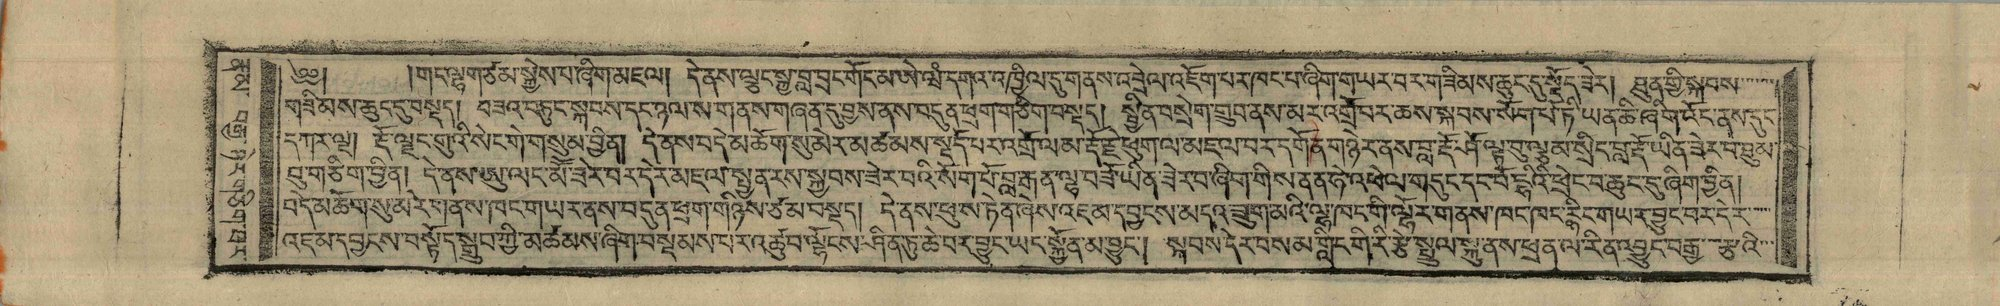༄༅། །གང་ལྷག་ཙམ་སྐྱེས་པ་ཞིག་མཇལ། དེ་ནས་ལྕང་སྐྱ་བླ་བྲང་གོང་མ་ཨེ་ཝཾ་དགའ་འཁྱིལ་དུ་གནས་འགྲེལ་འཇོག་པར་ཁང་པ་ཞིག་གཡར་པར་གཟིམས་ཆུང་དུ་སྡོད་ཟེར། ཐུན་གྱི་སྐབས་
གཟིམས་ཆུང་དུ་བསྡད། བཟའ་བཏུང་སྐབས་དང་ཉལ་ས་གནས་གཞན་དུ་བྱས་ནས་བདུན་ཕྲག་གཅིག་བསྡད། སྦྱིན་བསྲེག་གྲུབ་ནས་མར་འགྲོ་བར་ཆས་སླབས་སོག་པོ་ཏི་ཡན་ཆི་ཞིག་འོང་ནས་དུང་
དཀར་ལྔ། རྡོ་ལྗང་གུའི་སེང་གི་གསུམ་བྱིན། དེ་ནས་བདེ་མཆོག་སུ་མེར་མཚམས་སྡོད་པར་འགྲོ་ལམ་རྡོ་རྗེ་ཕུག་ལ་མཇལ་བར་དགོན་གཉེར་ནས་བླ་རྡོ་ཤོ་ལྟ་བུ་ལྕམ་སྲིང་བླ་རྡོ་ཡིན་ཟེར་བ་ཐུམ་
བུ་གཅིག་བྱིན། དེ་ནས་ཨུ་ལང་མཽ་ཟེར་བར་དེར་མཇལ་སྤྱན་རས་སྐྱབས་ཟེར་བའི་སོག་པོ་བླ་རྒན་ལྷ་བཟོ་ཡིན་ཟེར་བ་ཞིག་གིས་ནན་ཧེ་འཕེལ་གདུང་དང་པོ་དྷིའི་ཕྲེང་བ་ཆུང་དུ་ཞིག་བྱིན།
བདེ་མཆོག་སུ་མ་རེ་གནས་ཁང་གཡར་ནས་བདུན་ཕྲག་གཉིས་ཙམ་བསྡད། དེ་ནས་ཕུ་ས་ཏེན་ཞེས་འཇམ་དབྱངས་མདའ་ཟུག་མའི་ལྷ་ཁང་གི་ལྷོར་གནས་ཁང་ཁང་རྙིང་གཡར་བྱུང་བར་དེར་
འཇམ་དབྱངས་བསྟོད་སྒྲུབ་ཀྱི་མཚམས་ཞིག་བསྡམས་པར་འཚུབ་ལྷོངས་ཤིན་ཏུ་ཆེ་བར་བྱུང་ཡང་སྐྱོན་མ་བྱུང་། སྐབས་དེར་བསམ་གླིང་གི་རི་རྩེ་སྤྲུལ་སྐུ་ནས་ཕྲན་ལ་རིན་འབྱུང་བརྒྱ་རྩའི་